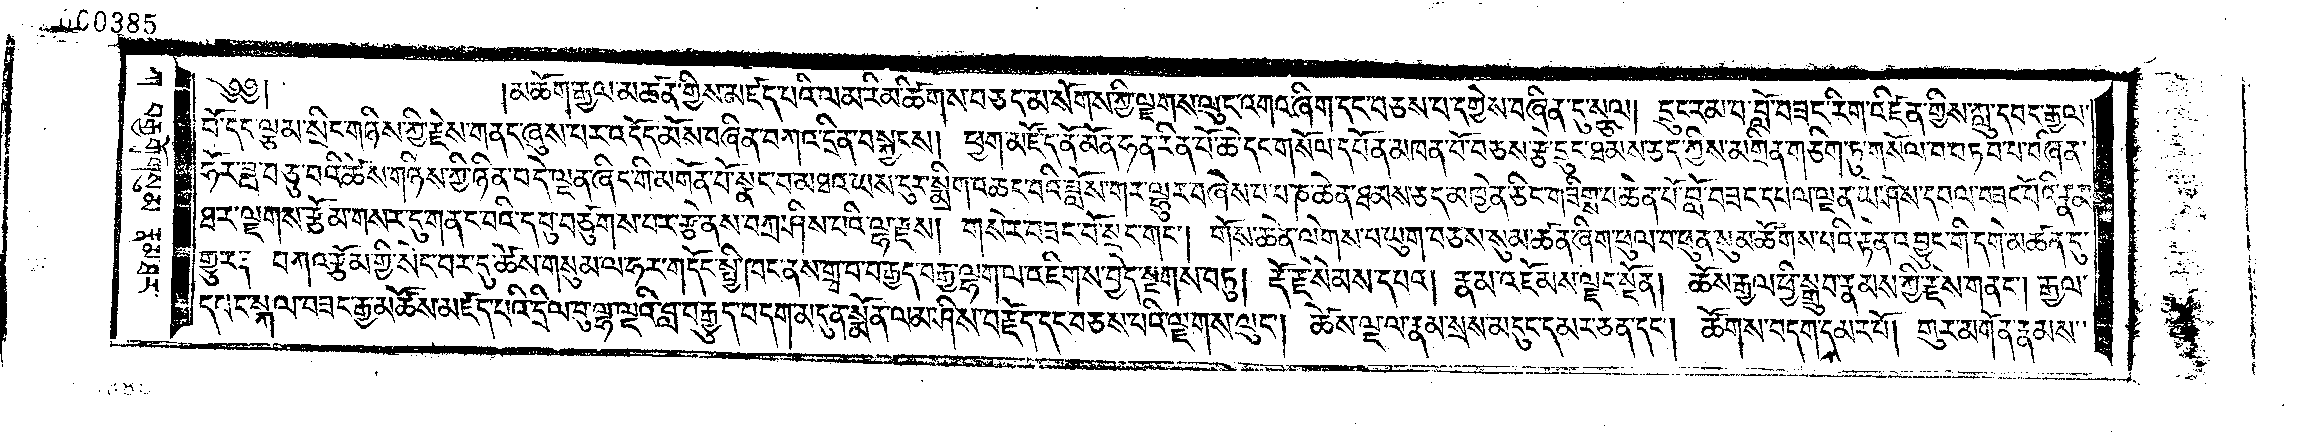༄༅། །མཆོག་རྒྱལ་མཚན་གྱིས་མཛད་བའི་ལམ་རིམ་ཚིགས་བཅད་མ་སོགས་ཀྱི་ལྗགས་ལུང་འགའ་ཞིག་དང་བཅས་པ་དགྱེས་བཞིན་དུ་སྩལ། དྲུང་རམ་པ་བློ་བཟང་རིག་འཛིན་གྱིས་ཀླུ་དབང་རྒྱལ་
པོ་དང་ལྕམ་སྲིད་གཉིས་ཀྱི་རྗེས་གནང་ཞུས་པར་འདོད་མོས་བཞིན་བཀའ་དྲིན་བསྐྱངས། ཕྱག་མཛོད་ནོ་མོན་ཧན་རིན་པོ་ཆེ་དང་གསོལ་དཔོན་མཁན་པོ་བཅས་རྩེ་དྲུང་ཐམས་ཅད་ཀྱིས་མགྲིན་གཅིག་ཏུ་གསོལ་བ་བཏབ་པ་བཞིན་
ཧོར་ཟླ་བཅུ་པའི་ཚེས་གཉིས་ཀྱི་ཉིན་བདེ་ལྡན་ཞིང་གི་མགོན་པོ་སྣང་བ་མཐའ་ཡས་ངུར་སྨྲིག་འཆང་བའི་ཟློས་གར་ལྷུར་བཞེས་པ་པཎ་ཆེན་ཐམས་ཅད་མཁྱེན་ཅིང་གཟིགས་པ་ཆེན་པོ་བློ་བཟང་དཔལ་ལྡན་ཡེ་ཤེས་དཔལ་བཟང་པོའི་རྣམ་
ཐར་ལྗགས་རྩོམ་གསར་དུ་གནང་བའི་དབུ་བཙུགས་པར་རྩེ་ནས་བཀྲ་ཤིས་པའི་ལྷ་རྫས། གསེར་བཟང་པོ་སྲང་གང་། གོས་ཆེན་ལེགས་པ་ཡུག་བཅས་སུམ་ཚན་ཞིག་ཕུལ་བ་ཕུན་སུམ་ཚོགས་པའི་རྟེན་འབྱུང་གི་དགེ་མཚན་དུ་
གྱུར༑ བཀའ་རྩོམ་གྱི་སེང་བར་དུ་ཚེས་གསུམ་ལ་ཧར་གདོང་སྤྱི་ཁང་ནས་གྲ་བ་བརྒྱད་བརྒྱ་ལྷག་ལ་འཇིགས་བྱེད་སྔགས་བཏུ། རྡོ་རྗེ་སེམས་དཔའ། རྣམ་འཇོམས་ལྗང་སྔོན། ཆོས་རྒྱལ་ཕྱི་སྒྲུབ་རྣམས་ཀྱི་རྗེས་གནང་། རྒྱལ་
དབང་སྐལ་བཟང་རྒྱ་མཚོས་མཛད་པའི་དྲིལ་བུ་ལྷ་ལྔའི་བླ་བརྒྱུད་བདག་མདུན་སྨོན་ལམ་ཤིས་བརྗོད་དང་བཅས་པའི་ལྗགས་ལུང་། ཆོས་ལྗ་ལ་རྣམ་སྲས་མདུང་དམར་ཅན་དང་། ཚོགས་བདག་དམར་པོ། གུར་མགོན་རྣམས་